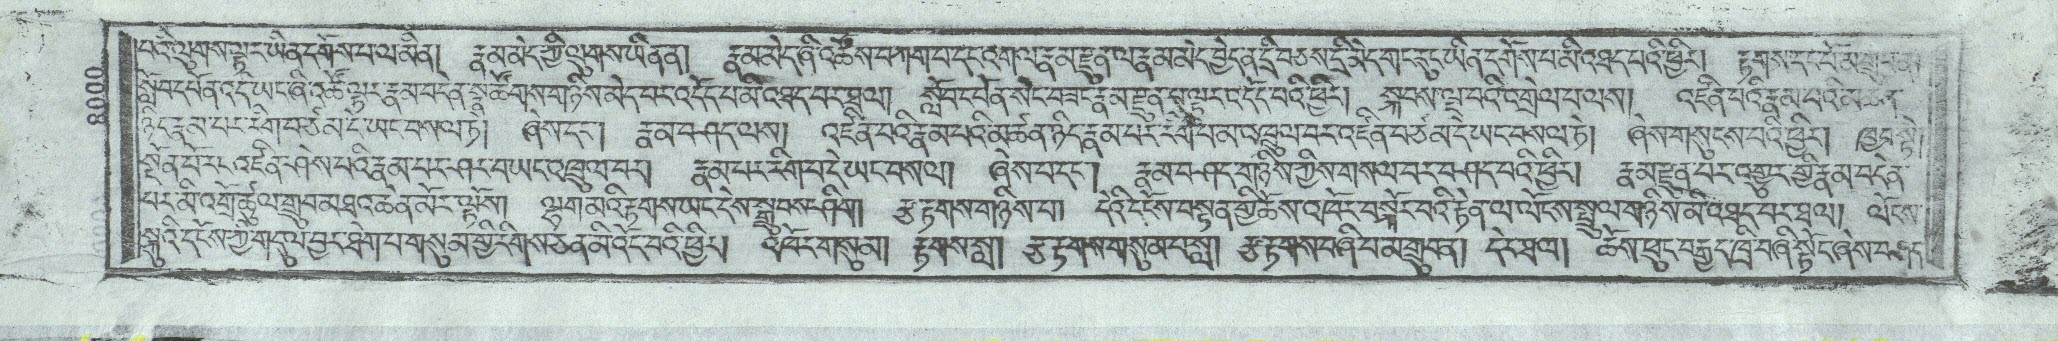པའི་ལུགས་ལྟར་ཡིན་དགོས་པ་ལ་མིན། རྣམ་མེད་ཀྱི་ལུགས་ཡིན་ན། རྣམ་མེད་ཞི་འཚོས་བཀག་པ་དང་འགལ་རྣམ་རྫུན་ལ་རྣམ་མེད་བྱེད་ན་དྲི་བཅས་དྲི་མེད་གང་རུང་ཡིན་དགོས་པ་མི་འཐད་པའི་ཕྱིར། རྟགས་དང་པོ་མ་གྲུབ་ན།
སློབ་དཔོན་འདི་ཡང་ཞི་འཚོ་ལྟར་རྣམ་བདེན་སྣ་ཚོགས་གཉིས་མེད་པར་འདོད་པ་མི་འཐད་པར་ཐལ། སློབ་དཔོན་སེང་བཟང་རྣམ་རྫུན་པ་ལྟར་འདོད་པའི་ཕྱིར། སྐབས་ལྔ་པའི་འགྲེལ་པ་ལས། འཛིན་པའི་རྣམ་པའི་མཚན་
ཉིད་རྣམ་པར་རིག་བ་ཙམ་དེ་ཡང་བསལ་ཏེ། ཞེས་དང་། རྣམ་བཤད་ལས། འཛིན་བའི་རྣམ་པའི་མཚན་ཉིད་རྣམ་པར་རིག་པ་མ་འཁྲུལ་བར་འཛིན་པ་ཙམ་དེ་ཡང་བསལ་ཏེ། ཞེས་གསུངས་པའི་ཕྱིར། ཁྱབ་སྟེ།
སྔོན་པོ་རང་འཛིན་ཤེས་པའི་རྣམ་པར་ཤར་བ་ཡང་འཁྲུལ་བར། རྣམ་པར་རིག་པ་དེ་ཡང་བསལ། ཞེས་པ་དང་། རྣམ་བཤད་གཉིས་ཀྱིས་གསལ་བར་བཤད་བའི་ཕྱིར། རྣམ་རྫུན་པར་འགྱུར་གྱི་རྣམ་བདེན་
པར་མི་འགྲོ་ཚུལ་གྲུབ་མཐའ་ཆེན་མོར་ལྟོས། ལྷག་མའི་རྟགས་ཡང་དེས་སྒྲུབས་ཤིག། རྩ་རྟགས་གཉིས་པ། དེའི་དངོས་བསྟན་གྱི་ཆོས་འཁོར་བསྐོར་བའི་རྟེན་ལ་ལོངས་སྤྲུལ་གཉིས་མི་འཐད་པར་ཐལ། ལོངས་
སྐུའི་དངོས་ཀྱི་གདུལ་བྱར་ཐེག་པ་གསུམ་གྱི་རིགས་ཅན་མི་འོང་བའི་ཕྱིར། འཁོར་གསུམ། རྟགས་སླ། རྩ་རྟགས་གསུམ་པ་སླ། རྩ་རྟགས་བཞི་པ་མ་གྲུབ་ན། དེར་ཐལ། ཆོས་ཕུང་བརྒྱད་ཁྲི་བཞི་སྟོང་ཞེས་བཤད་